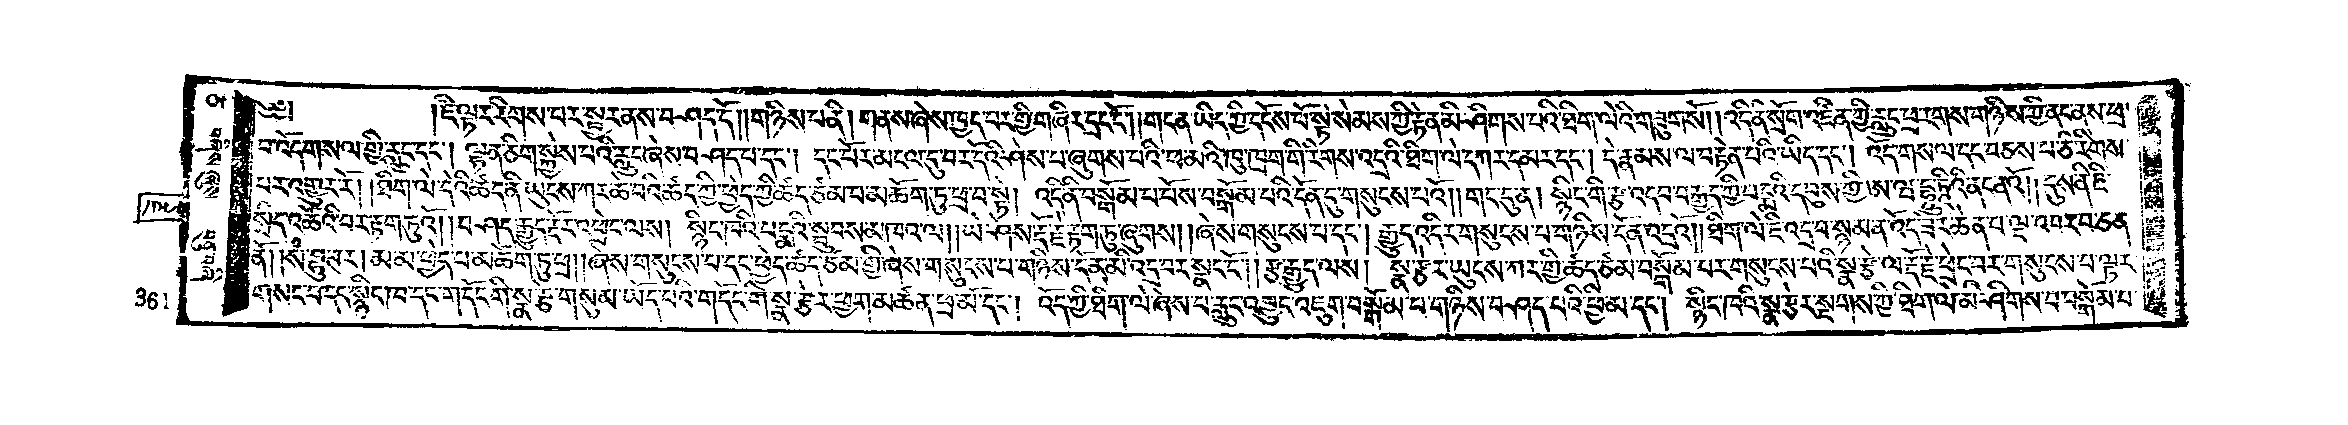༄༅། །ཇི་ལྟར་རིགས་པར་སྦྱར་ནས་བཤད་དོ། །གཉིས་པ་ནི། གནས་ཞེས་ཁྱད་པར་གྱི་གཞིར་དྲང་ངོ། །གང་ན་ཡིད་ཀྱི་དངོས་པོ་སྟེ་སེམས་ཀྱི་རྟེན་མི་ཤིགས་པའི་ཐིག་ལེའི་གཟུགས་སོ། །འདི་ནི་སྲོག་འཛིན་གྱི་རླུང་ཕྲ་རགས་གཉིས་ཀྱི་ནང་ནས་ཕྲ་
བ་འོད་གསལ་གྱི་རླུང་དང་། ལྷན་ཅིག་སྐྱེས་པའི་རླུང་ཞེས་བཤད་པ་དང་། དང་པོར་མངལ་དུ་བར་དོའི་ཤེས་པ་ཞུགས་པའི་ཕ་མའི་ཁུ་ཁྲག་གི་རིགས་འདྲའི་ཐིག་ལེ་དཀར་དམར་དང་། དེ་རྣམས་ལ་བརྟེན་པའི་ཡིད་དང་། འོད་གསལ་དང་བཅས་པ་ཅི་རིགས་
པར་འགྱུར་རོ། །ཐིག་ལེ་དེའི་ཚད་ནི་ཡུངས་ཀར་ཆེ་བའི་ཚད་ཀྱི་ཕྱེད་ཀྱི་ཚད་ཙམ་པ་མཆོག་ཏུ་ཕྲ་བ་སྟེ། འདི་ནི་བསྒོམ་པ་པོས་བསྒོམ་པའི་དོན་དུ་གསུངས་པའོ། །གང་དུ་ན། སྙིང་གི་རྩ་འདབ་བརྒྱད་ཀྱི་པདམའི་དབུས་ཀྱི་ཨ་ཝ་དྷཱུ་ཏཱིའི་ནང་ནའོ། །དུས་ནི་ཇི་
སྲིད་འཚོའི་བར་རྟག་ཏུའོ། །བཤད་རྒྱུད་རྡོར་འཕྲེང་ལས། སྙིང་ཁའི་པདམའི་སྦུབས་མཁའ་ལ། །ཡེ་ཤེས་རྡོ་རྗེ་རྟག་ཏུ་ཞུགས། །ཞེས་གསུངས་པ་དང་། རྒྱུད་འདིར་གསུངས་པ་གཉིས་དོན་འདྲའོ། །ཐིག་ལེ་ཇི་འདྲ་བ་སྙམ་ན་འོད་ཟེར་ཆེན་པོ་ལྔ་འབར་བ་ཅན་
ནོ། །སཾ་བྷུ་ཊར། མ་མོ་ཕྱེད་པ་མཆོག་ཏུ་ཕྲ། །ཞེས་གསུངས་པ་དང་ཕྱེད་ཚད་ཙམ་གྱི་ཞེས་གསུངས་པ་གཉིས་དོན་མི་འདྲ་བར་སྣང་ངོ། །རྩ་རྒྱུད་ལས། སྣ་རྩེར་ཡུངས་ཀར་གྱི་ཚད་ཙམ་བསྒོམ་པར་གསུངས་པའི་སྣ་རྩེ་ལ་རྡོ་རྗེ་ཕྲེང་བར་གསུངས་པ་ལྟར་
གསང་བ་དང་སྙིང་ཁ་དང་གདོང་གི་སྣ་རྩེ་གསུམ་ཡོད་པའི་གདོང་གི་སྣ་རྩེར་ཕྱག་མཚན་ཕྲ་མོ་དང་། འོད་ཀྱི་ཐིག་ལེ་ཞེས་པ་རླུང་འབྱུང་འཇུག་བསྒོམ་པ་གཉིས་བཤད་པའི་ཕྱི་མ་དང་། སྙིང་ཁའི་སྣ་རྩེར་སྔགས་ཀྱི་ཐིག་ལེ་མི་ཤིགས་པ་བསྒོམ་པ་